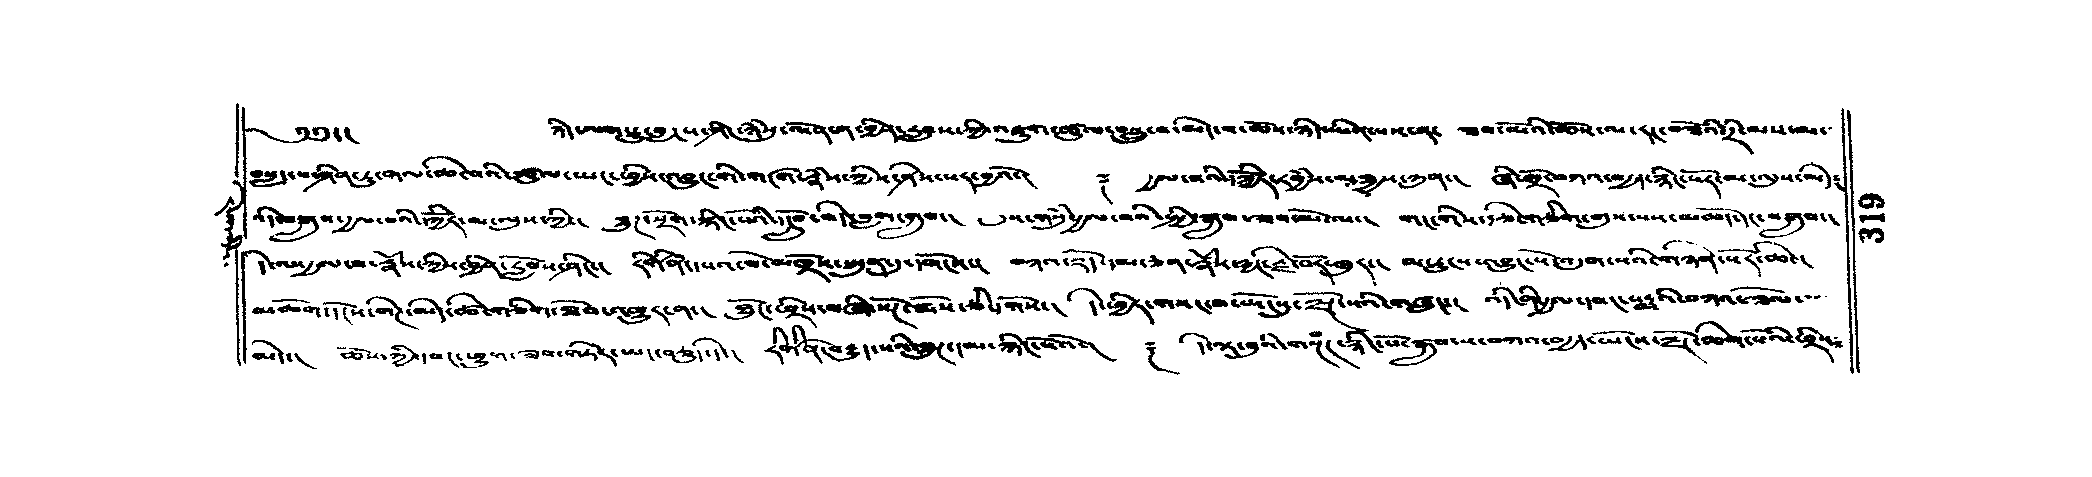ཉིད་ལག་ཏུ་བླངས་ཤིང་ཉམས་སུ་ལོན་ན་བྱིན་རླབས་ཀྱི་འཇུག་ཚུལ་་བསླུ་བ་མེད་པ་ཆོས་ཉིད་ཡིན་པས་ན། ཟབ་མོའི་ཆོས་ལ་རང་བཟོའི་དྲི་མས་མ་
བསླད་པ་ཤིན་ཏུ་གལ་ཆེ་བའི་ཚུལ་ཡང་ཕྱིས་འབྱུང་གི་གང་ཟག་རྣམས་ཀྱིས་ཤེས་པར་བྱའོ། ༈ རྒྱལ་བའི་དཀྱིལ་འཁོར་རབ་འབྱམས་མཐའ་ཡས་ཀུན། །ཞི་ཁྲོ་བཀའ་བརྒྱད་སྙིང་པོར་མ་འདུས་མེད། །
འདི་བསྒྲུབ་རྒྱལ་བའི་དཀྱིལ་འཁོར་མ་ལུས་ཀྱི། །ཐུགས་སྲོག་སྙིང་པོའི་དངོས་གྲུབ་བདེ་བླག་གྲུབ། །དུས་གསུམ་རྒྱལ་བའི་སྤྱི་སྒྲུབ་ཟབ་མོ་ལ། །གང་གིས་རྩེ་གཅིག་གུས་པས་མཆོད་དང་བསྒྲུབ། །
དེ་ལ་རྒྱལ་བ་རྣམས་ཀྱིས་བྱིན་རློབས་ཤིང་། །རིག་འཛིན་དཔའ་བོ་མཁའ་འགྲོ་ཡུན་དུ་དགོངས། །བཀའ་སྡོད་དམ་ཅན་རྣམས་ཀྱང་རྗེ་བོར་གྱུར། །མ་རུངས་འབྱུང་པོ་འདུག་པའི་གཉེན་པོར་ཆེ། །
མཆོག་དངོས་བགེགས་མེད་ཚེ་གཅིག་ཐོབ་འགྱུར་ན། །ཐུན་མོང་ཕྲིན་ལས་བཞི་སོགས་སྨོས་ཅི་དགོས། །དེ་ཕྱིར་གསང་བ་ཡོངས་སུ་རྫོགས་པའི་གཞུང་། །འདི་ནི་རྒྱལ་དབང་པདྨའི་བཀའ་ཟོལ་
མེད། །ཆོས་ཀྱི་དབང་ཕྱུག་ཟབ་གཏེར་ཡང་བཅུད་དེ། །རིག་འཛིན་བརྒྱུད་པའི་ཐུགས་དམ་སྙིང་པོའོ། །༈ དེ་ལྟ་བུའི་གསང་སྔགས་སྙིང་པོ་སྒྲུབ་པ་བཀའ་བརྒྱད་ཡོངས་རྫོགས་ཆེན་པོའི་ཕྲིན་ལས་